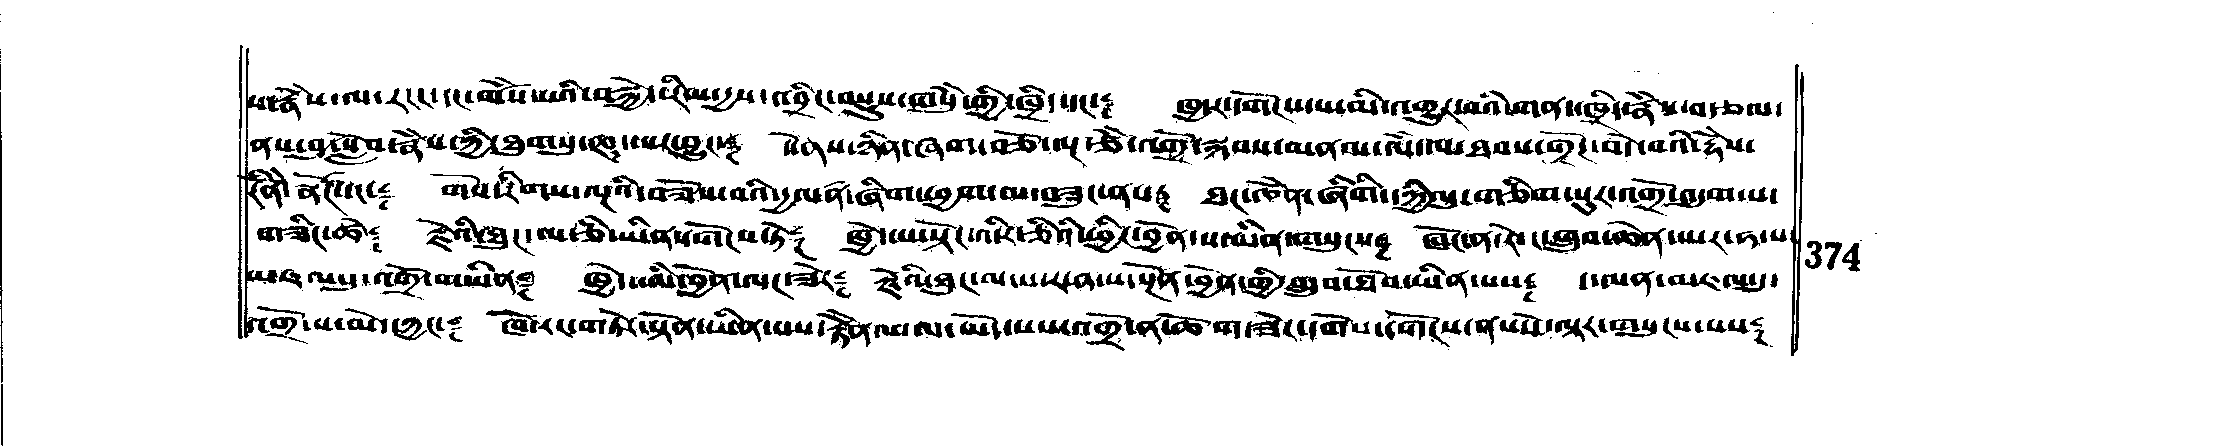པ་རྣམས་ལ་རང་རང་དང་འཚམས་པའི་བསྐྱེད་རིམ་རྒྱས་འབྲིང་བསྡུས་གསུམ་གྱི་ཁྲིད་དང་། ཁྱད་པར་དགོངས་པ་མི་འགྱུར་བའི་གནད་ཁྲིད་རྣམས་བསྩལ་
ནས་བུ་སློབ་རྣམས་ཀྱི་ཐུགས་སུ་ཆུད་པར་བྱུང་། དེ་ནས་ཉིན་ཞག་བཅོ་ལྔ་ཙམ་འགྲོ་སྐབས་མནལ་ལམ་ལ་ཐབས་གྲོགས་བདེ་བའི་རྡོ་རྗེས་
རིན་པོ་ཆེ་སྣ་ཚོགས་དང་། གོས་རིགས་ལྔའི་བཟོས་པའི་རྒྱལ་མཚན་ཞིག་ཕྱག་ལ་བཟུང་ནས། ཐང་ཆེན་པོ་ཞིག་གི་དཀྱིལ་དུ་གཅིག་པུར་འགྲོ་འདུག་པ་
གཟིགས་ཚེ། རྗེའི་ཐུགས་ལ་ཅི་ཡིན་དགོངས་ཏེ། ཁྱེད་ས་སྟོང་འདིར་ཅིའི་ཕྱིར་བྱོན་པ་ཡིན་གསུངས། ཁོང་ན་རེ་ང་གྲུབ་ཆེན་ས་ར་ཧ་པ་
མཇལ་དུ་འགྲོ་བ་ཡིན། ཁྱེད་ཨི་བྱོན་ལགས་ཟེར། རྗེའི་ཐུགས་ལ་ས་ར་ཧ་པ་སྔོན་བྱོན་གྱི་གྲུབ་ཐོབ་ཡིན་པས། ད་ལན་མཇལ་དུ་
འགྲོ་ས་མེད་ཀྱང་། ཁོ་རང་གཏེར་སྟོན་ཡིན་པས་རྟེན་འབྲེལ་ལ་ཡོད་པས་འགྲོ་ན་ཆོག་ཟེར་དགོངས་ནས་དེ་ལྟར་གསུངས་པས།